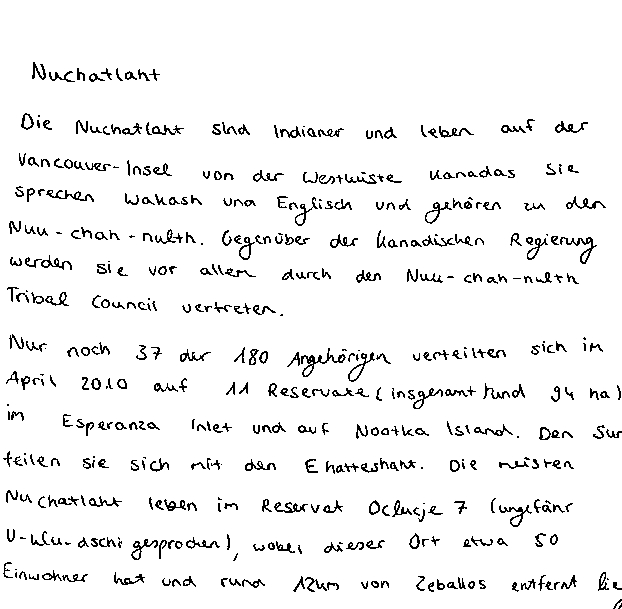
Nuchatlaht
Die Nuchatlaht sind Indianer und leben auf der
Vancouver-Insel vor der Westküste Kanadas. Sie
sprechen Wakash und Englisch und gehören zu den
Nuu-chah-nulth. Gegenüber der kanadischen Regierung
werden sie vor allem durch den Nuu-chah-nulth
Tribal Council vertreten.
Nur noch 37 der 180 Angehörigen verteilten sich im
April 2010 auf 11 Reservate (insgesamt rund 94 ha)
Esperanza Inlet und auf Nootka Island. Den Sun
teilen sie sich mit den Ehatteshaht. Die meisten
Nuchatlaht leben im Reservat Oclucje 7 (ungefähr
U-klu-dschi gesprochen), wobei dieser Ort etwa 50
Einwohner hat und rund 12 km von Zeballos entfernt lie
